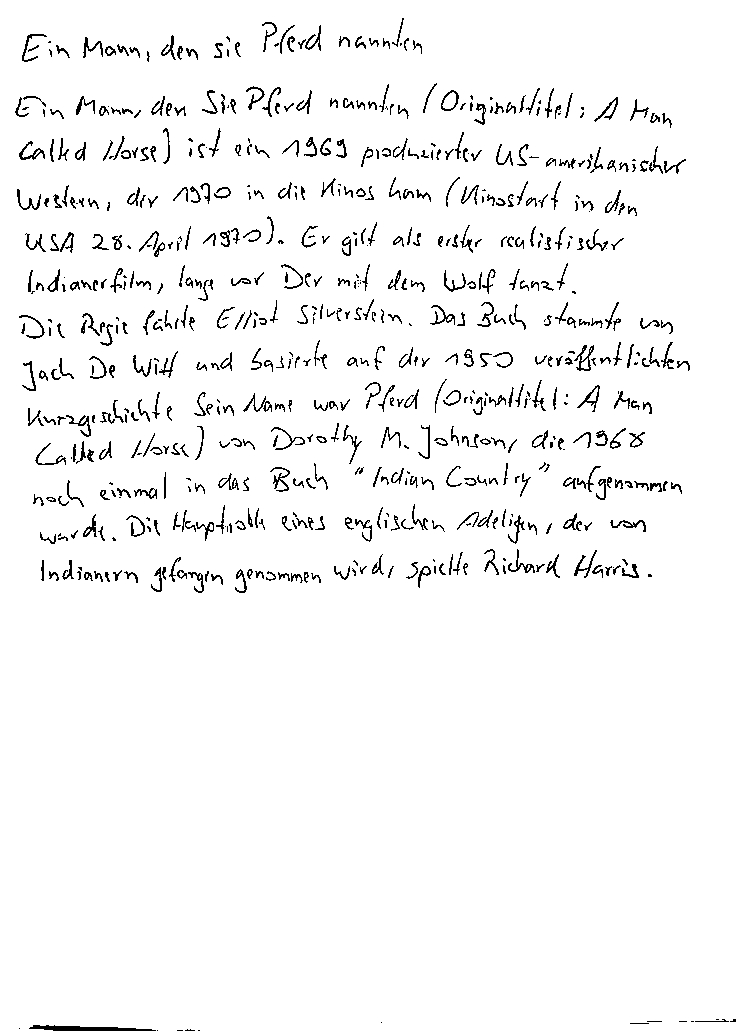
Ein Mann, den sie Pferd nannten
Ein Mann, den sie Pferd nannten (Originaltitel: A Man
Called Horse) ist ein 1969 produzierter US-amerikanischer
Western, der 1970 in die Kinos kam (Kinostart in den
USA 28. April 1970). Er gilt als erster realistischer
Indianerfilm, lange vor Der mit dem Wolf tanzt.
Die Regie führte Elliot Silverstein. Das Buch stammte von
Jack De Witt und basierte auf der 1950 veröffentlichten
Kurzgeschichte Sein Name war Pferd (Originaltitel: A Man
Called Horse) von Dorothy M. Johnson, die 1968
noch einmal in das Buch "Indian Country" aufgenommen
wurde. Die Hauptrolle eines englischen Adeligen, der von
Indianern gefangen genommen wird, spielte Richard Harris.
